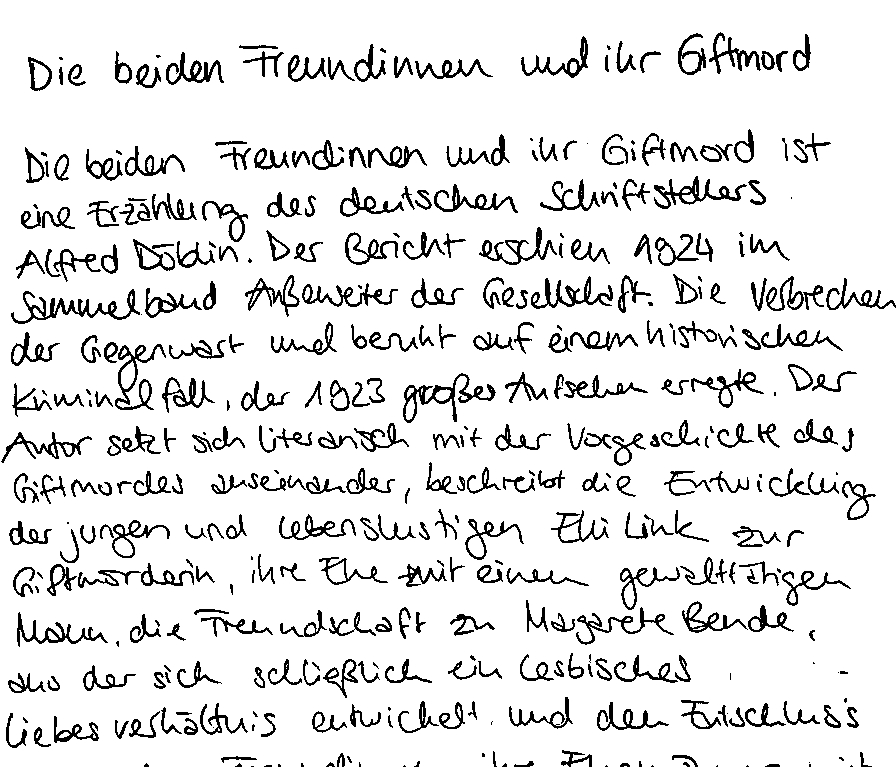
Die beiden Freundinnen und ihr Giftmord
Die beiden Freundinnen und ihr Giftmord ist
eine Erzählung des deutschen Schriftstellers
Alfred Döblin. Der Bericht erschien 1924 im
Sammelband Außenseiter der Gesellschaft. Die Verbrechen
der Gegenwart und beruht auf einem historischen
Kriminalfall, der 1923 großes Aufsehen erregte. Der
Autor setzt sich literarisch mit der Vorgeschichte des
Giftmordes auseinander, beschreibt die Entwicklung
der jungen und lebenslustigen Elli Link zur
Giftmörderin, ihre Ehe mit einem gewalttätigen
Mann. Die Freundschaft zu Margarete Bende,
aus der sich schließlich ein lesbisches
Liebesverhältnis entwickelt und den Entschluss
